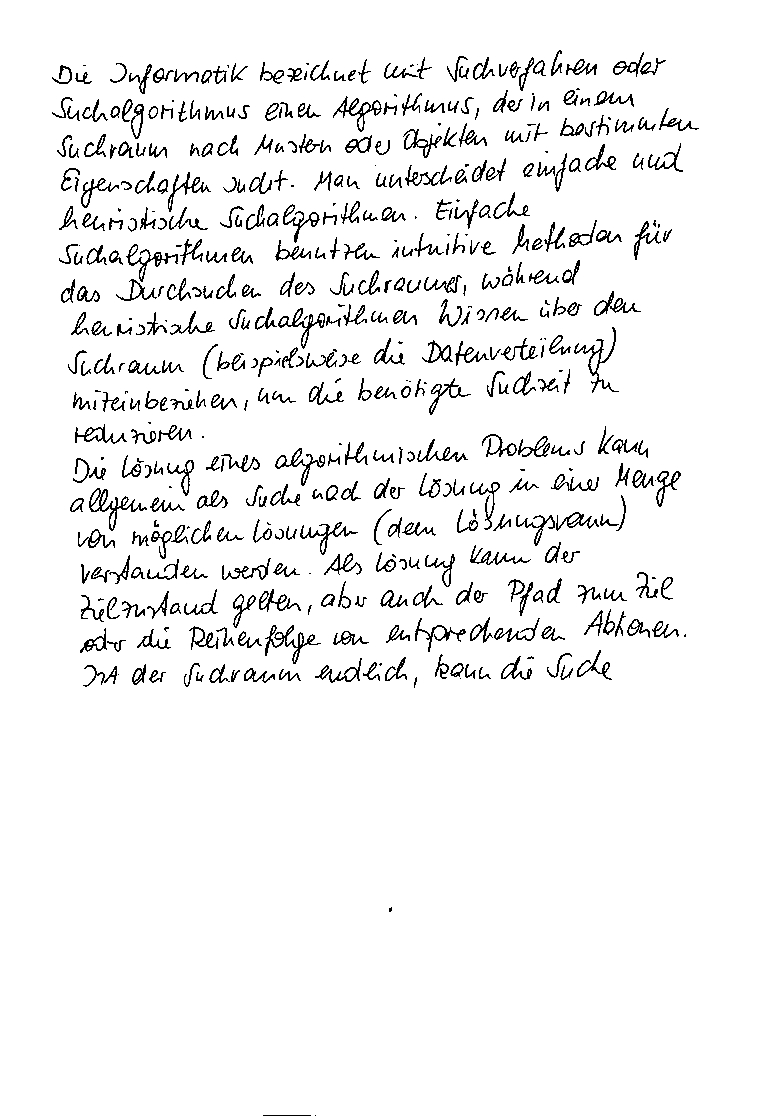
Die Informatik bezeichnet mit Suchverfahren oder
Suchalgorithmus einen Algorithmus, der in einem
Suchraum nach Mustern oder Objekten mit bestimmten
Eigenschaften sucht Man unterscheidet einfache und
heuristische Suchalgorithmen. Einfache
Suchalgorithmen benutzen intuitive Methoden für
das Durchsuchen des Suchraumes, während
heuristische Suchalgorithmen Wissen über den
Suchraum (beispielsweise die Datenverteilung)
miteinbeziehen, um die benötigte Suchzeit zu
reduzieren. Die Lösung eines algorithmischen Problems kann
allgemein als Suche nach der Lösung in einer Menge
von möglichen Lösungen (dem Lösungsraum)
verstanden werden Als Lösung kann der
Zielzustand gelten, aber auch der Pfad zum Ziel
oder die Reihenfolge von entsprechenden Aktionen.
Ist der Suchraum endlich, kann die Suche
